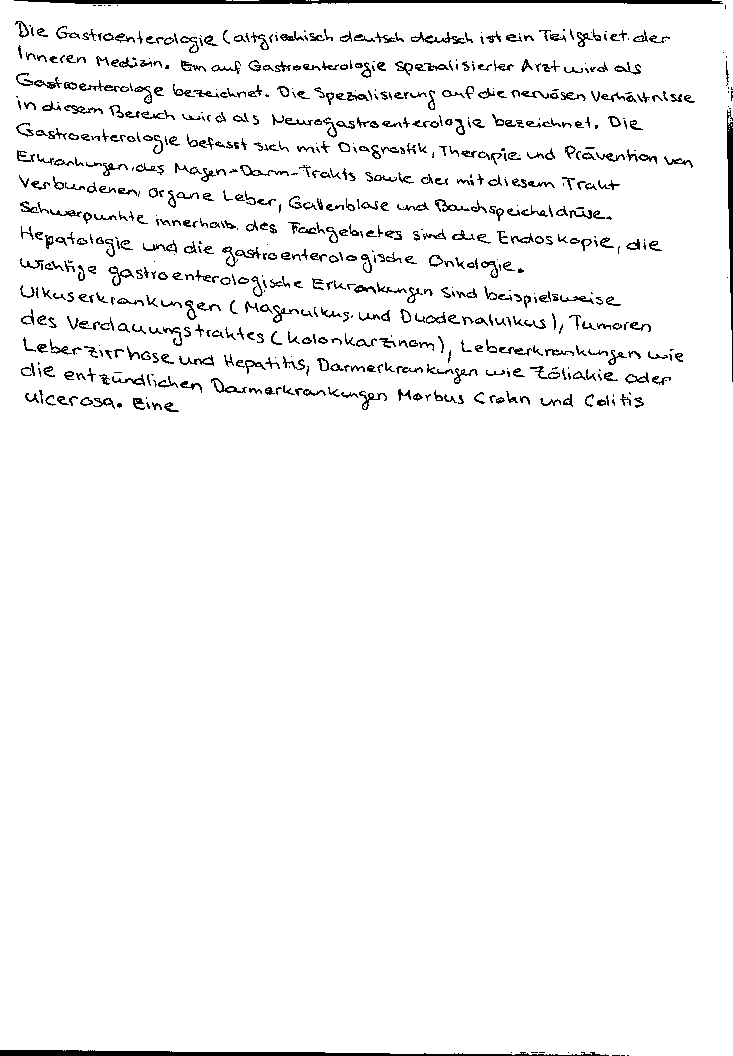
Die Gastroenterologie (altgriechisch deutsch deutsch ist ein Teilgebiet der
inneren Medizin. Ein auf Gastroenterologie spezialisierter Arzt wird als
Gastroenterologe bezeichnet. Die Spezialisierung auf die nervösen Verhältnisse
in diesem Bereich wird als Neurogastroenterologie bezeichnet. Die
Gastroenterologie befasst sich mit Diagnostik, Therapie und Prävention von
Erkrankungen Magen-Darm-Trakts sowie der mit diesem Trakt
verbundenen Organe Leber, Gallenblase und Bauchspeicheldrüse.
Schwerpunkte innerhalb des Fachgebietes sind die Endoskopie, die
Hepatologie und die gastroenterologische Onkologie.
Wichtige gastroenterologische Erkrankungen sind beispielsweise
Ulkuserkrankungen (Magenulkus und Duodenalulkus), Tumoren
des Verdauungstraktes (Kolonkarzinom), Lebererkrankungen wie
Leberzirrhose und Hepatitis, Darmerkrankungen wie Zöliakie oder
die entzündlichen Darmerkrankungen Morbus Crohn und Colitis
ulcerosa. eine
